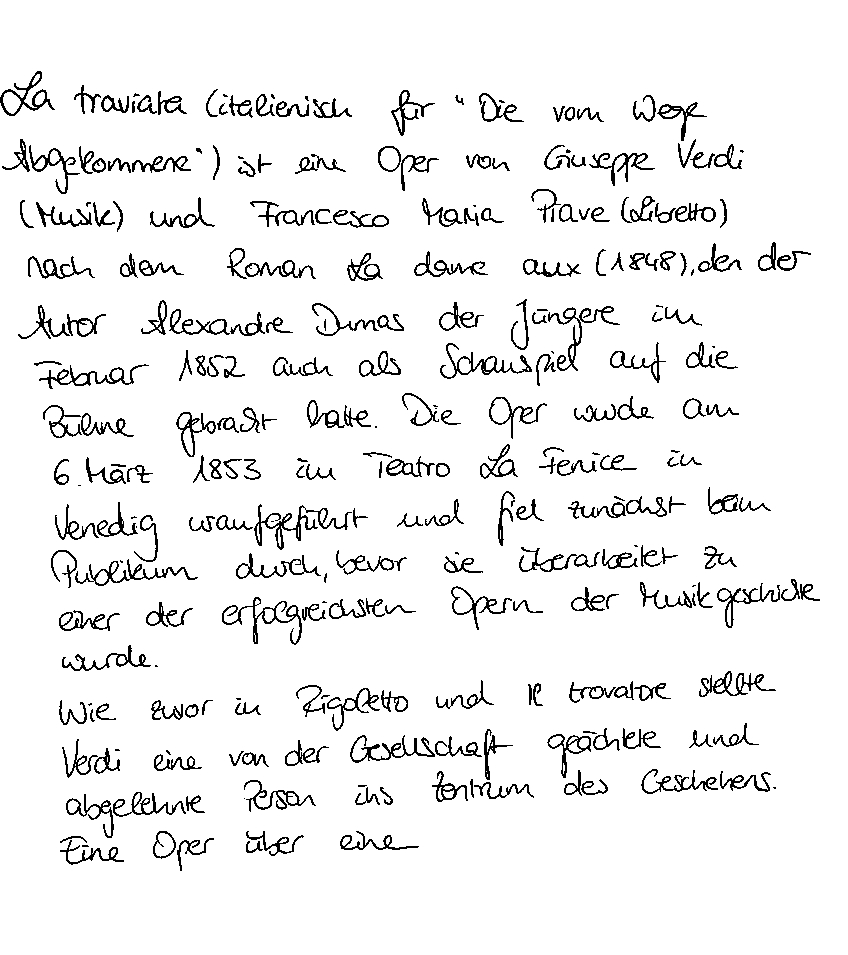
La traviata (italienisch für "Die vom Wege
Abgekommene") ist eine Oper von Giuseppe Verdi
(Musik) und Francesco Maria Piave (Libretto)
nach dem Roman La dame aux (1848), den der
Autor Alexandre Dumas der Jüngere im
Februar 1852 auch als Schauspiel auf die
Bühne gebracht hatte. Die Oper wurde am
6 März 1853 im Teatro La Fenice in
Venedig uraufgeführt und fiel zunächst beim
Publikum durch, bevor sie überarbeitet zu
einer der erfolgreichsten Opern der Musikgeschichte
wurde.
Wie zuvor in Rigoletto und Il trovatore stellte
Verdi eine von der Gesellschaft geächtete und
abgelehnte Person ins Zentrum des Geschehens.
Eine Oper über eine
